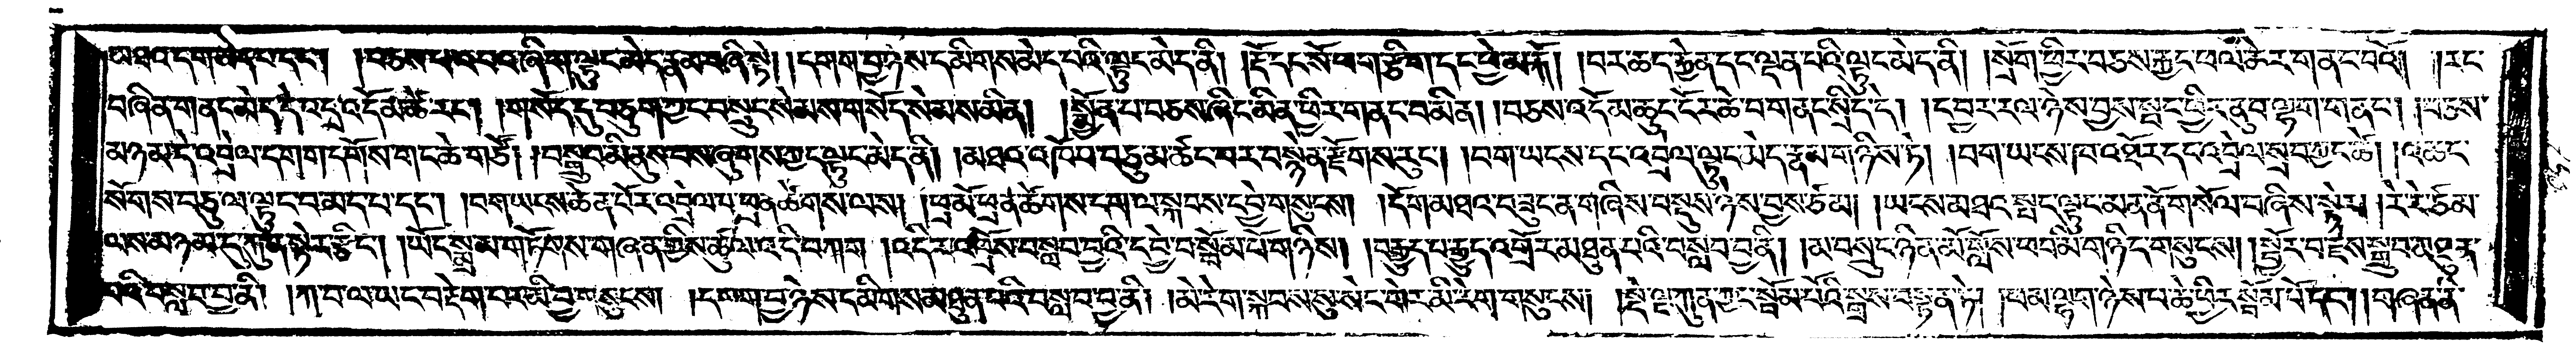མཐའ་དག་མེད་པ་དང་། །བཅས་པ་འབའ་ཞིག་ལྟུང་མེད་རྣམ་བཞི་སྟེ། །དགག་བྱ་ཉེས་དམིགས་མེད་པའི་ལྟུང་མེད་ནི། །རྡོ་དང་སོ་ཕག་རྩིག་དང་ཕྱེ་མ་རྐོ། །བར་ཆད་རྐྱེན་དང་ལྡན་པའི་ལྟུང་མེད་ནི། །སྲོག་ཕྱིར་བཅས་རྐྱང་ཕལ་ཆེར་གནང་བའོ། །རང་
བཞིན་གནང་མེད་ངོ་འདྲ་འདོམ་ཚེ་རང་། །གསོད་དུ་བཅུག་ཀྱང་བསྲུང་སེམས་གསོད་སེམས་མིན། །སྨྱོན་པ་བཅས་ཞིང་མིན་ཕྱིར་གནང་བ་མིན། །བཅས་འདོམ་ཆུང་ངོར་ཆེ་བ་གནང་སྲིད་དེ། །དབྱར་རལ་ཉེས་བྱས་སྤང་ཕྱིར་ནུབ་ལྷས་གནང་། །བཅས་
མཉམ་དེ་འབྲེལ་དགག་དགོས་གང་ཆེ་གཙོ། །བསྒྲུབ་མི་ནུས་པས་ཞུགས་ཀྱང་ལྟུང་མེད་ནི། །མཐའ་འཁོབ་བཅུ་མ་ཚང་བར་བསྙེན་རྫོགས་རུང་། །བག་ཡངས་དང་འབྲེལ་ལྟུང་མེད་རྣམ་གཉིས་ཏེ། །བག་ཡངས་ཁ་འཐོར་དང་འབྲེལ་སྲབ་ཀྱང་ཚེ། །འཆང་
སོགས་བཅུ་ལ་ལྟུང་བ་མེད་པ་དང་། །བག་ཡངས་ཆེན་པོར་འབྲེལ་པ་ཕྲན་ཚེགས་ལས། །ཕྲ་མོ་ཕྲན་ཚེགས་དག་ལ་སྐབས་དབྱེ་གསུངས། །དོག་མཐའ་བཟུང་ན་གཞིས་བསྡུས་ཉེས་བྱས་ཙམ། །ཡངས་མཐའ་སྤང་ལྟུང་མན་ནོ་གསོལ་བཞིས་སྟེར། །རེ་རེ་ཙམ་
ལས་མཉམ་དུ་ཀུན་སྟེར་རྩིང་། །ཡོང་སྨྲ་མ་གཏོགས་གཞན་གྱིས་ཚུལ་འདི་བཀག །འདིར་འཕྲོས་བསླབ་བྱའི་དབྱེ་བ་སྦོམ་པོ་གཉིས། །བརྒྱུད་པ་རྒྱུད་འགྲོར་མཐུན་པའི་བསླབ་བྱ་ནི། །མ་བསྲུང་ཉིན་མོ་གློས་ཕབ་མི་གཉིད་གསུངས། །སྦྱོར་བ་རྫས་སྒྲུབ་མཐུན་
པའི་བསླབ་བྱ་ནི། །ཀ་བ་ལ་ཡང་བརྡེག་བར་མི་བྱ་གསུངས། །དགག་བྱ་ཉེས་དམིགས་མཐུན་པའི་བསླབ་བྱ་ནི། །མེ་རེག་སྐབས་སུ་སེང་གེར་མི་རེག་གསུངས། །སྡེ་ལྔ་ཀུན་ཀྱང་སྦོམ་པོའི་སྒྲས་བསྟན་ཏེ། །ཕམ་ལྷག་ཉེས་པ་ཆེ་ཕྱིར་སྦོམ་པོ་དང་། །གཞན་ནི་